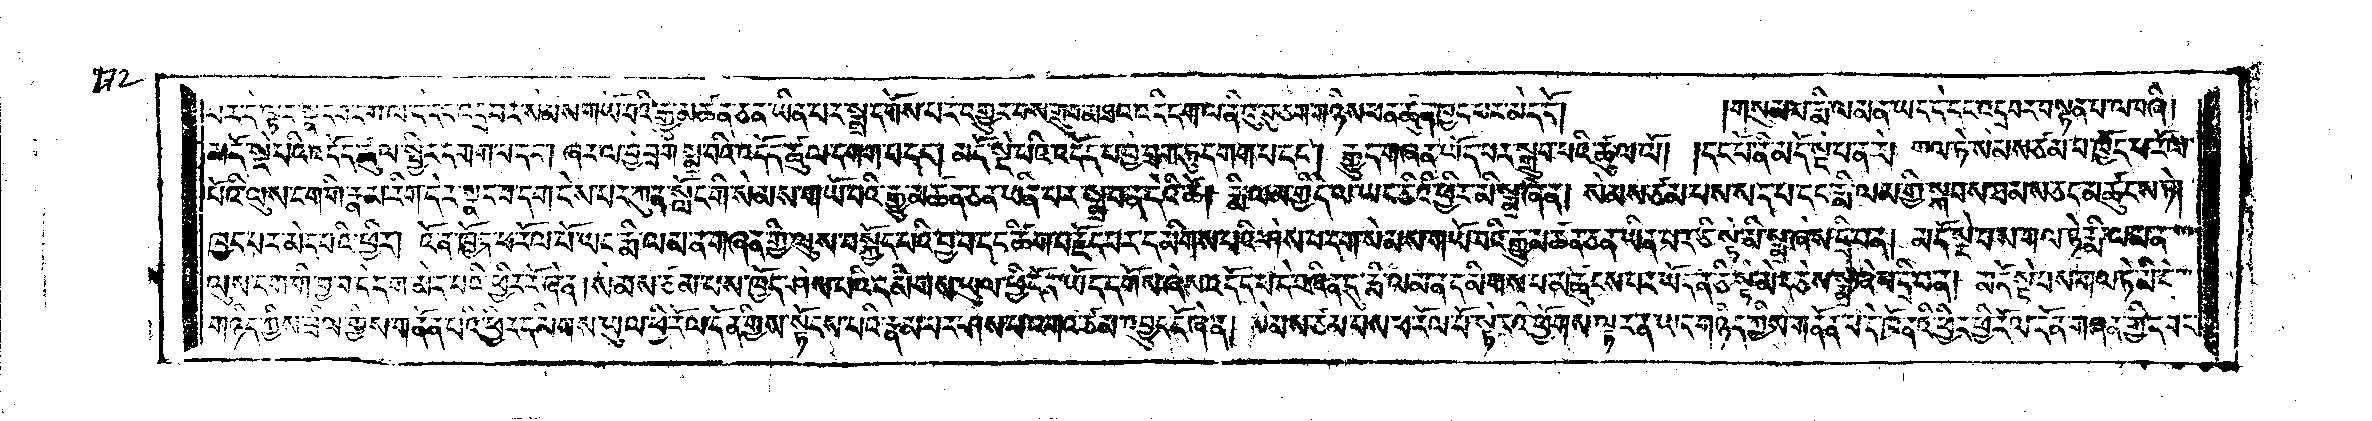པར་དེ་ལྟར་སྣང་བདག་ལ་དེ་དང་འདྲ་བར་སེམས་གཡོ་བའི་རྒྱུ་མཚན་ཅན་ཡིན་པར་སྨྲ་དགོས་པར་འགྱུར་བས་གྲུབ་མཐའ་འདི་དག་ལ་ནིའུ་བུ་ཅག་གཉིས་ཕན་ཚུན་ཁྱད་པར་མེད་དོ། །གསུམ་གྱི་རྨི་ལམ་ན་ཡང་དེ་དང་འདྲ་བར་བསྟན་པ་ལ་བཞི།
མདོ་སྡེ་པའི་འདོད་ཚུལ་སྤྱིར་དགག་པ་དང་། ཞར་ལ་བྱེ་བྲག་སྨྲ་བའི་འདོད་ཚུལ་དགག་པ་དང་། མདོ་སྡེ་པའི་འདོད་པ་བྱེ་བྲག་ཏུ་དགག་པ་དང་། རྒྱུད་གཞན་ཡོད་པར་སྒྲུབ་པའི་ཚུལ་ལོ། །དང་པོ་ནི་མདོ་སྡེ་པ་ན་རེ། གལ་ཏེ་སེམས་ཙམ་པ་ཁྱོད་ཕ་རོལ་
པོའི་ལུས་ངག་གི་རྣམ་རིག་དེར་སྣང་བ་དག་ངེས་པར་ཀུན་སློང་གི་སེམས་གཡོ་བའི་རྒྱུ་མཚན་ཅན་ཡིན་པར་སྨྲ་བ་ན་དེའི་ཚེ། རྨི་ལམ་གྱི་དེ་ལ་ཡང་ཅིའི་ཕྱིར་མི་སྨྲ་ཞེ་ན། སེམས་ཙམ་པས་སད་པ་དང་རྨི་ལམ་གྱི་སྐབས་ཐམས་ཅད་མཚུངས་ཏེ།
ཁྱད་པར་མེད་པའི་ཕྱིར། འོ་ན་ཁྱོད་ཕ་རོལ་པོ་ཡང་རྨི་ལམ་ན་གཞན་གྱི་ལུས་བསྐྱོད་པའི་བྱ་བ་དང་ཚིག་བརྗོད་པར་དམིགས་པའི་ཤེས་པ་དག་སེམས་གཡོ་བའི་རྒྱུ་མཚན་ཅན་ཡིན་པར་ཅི་སྟེ་མི་སྨྲ་ཞེས་དྲི་བ་ན། མདོ་སྡེ་བས་གལ་ཏེ་རྨི་ལམ་ན་
ལུས་ངག་གི་བྱ་བ་དེ་དག་མེད་པའི་ཕྱིར་རོ་ཞེན་།སེམས་ཙམ་པས་ཁྱོད་ཤེས་པའི་དམིགས་ཡུལ་ཕྱི་དོན་ཡོད་དགོས་ཞེས་འདོད་པ་དེ་བཞིན་དུ་རྨི་ལམ་ན་དམིགས་པ་མཚུངས་པར་ཡོད་ན་ཅི་སྟེ་མེད་ཅེས་སྨྲ་ཞེས་དྲི་བ་ན། མདོ་སྡེ་བས་གལ་ཏེ་མི་དེ་
གཉིད་ཀྱིས་ཟིལ་གྱིས་གནོན་པའི་ཕྱིར་དམིགས་ཡུལ་ཕྱི་རོལ་དོན་གྱིས་སྟོངས་པའི་རྣམ་པར་ཤེས་པ་འགའ་ཙམ་འབྱུང་ངོ་ཞེ་ན། སེམས་ཙམ་པས་ཕ་རོལ་པོ་སྟེ་ངའི་ཕྱོགས་ལྟར་ན་ཡང་གཉིད་ཀྱིས་གནོན་པ་དེ་ཁོ་ནའི་ཕྱིར་ཕྱི་རོལ་དོན་གཞན་གྱི་དབང་